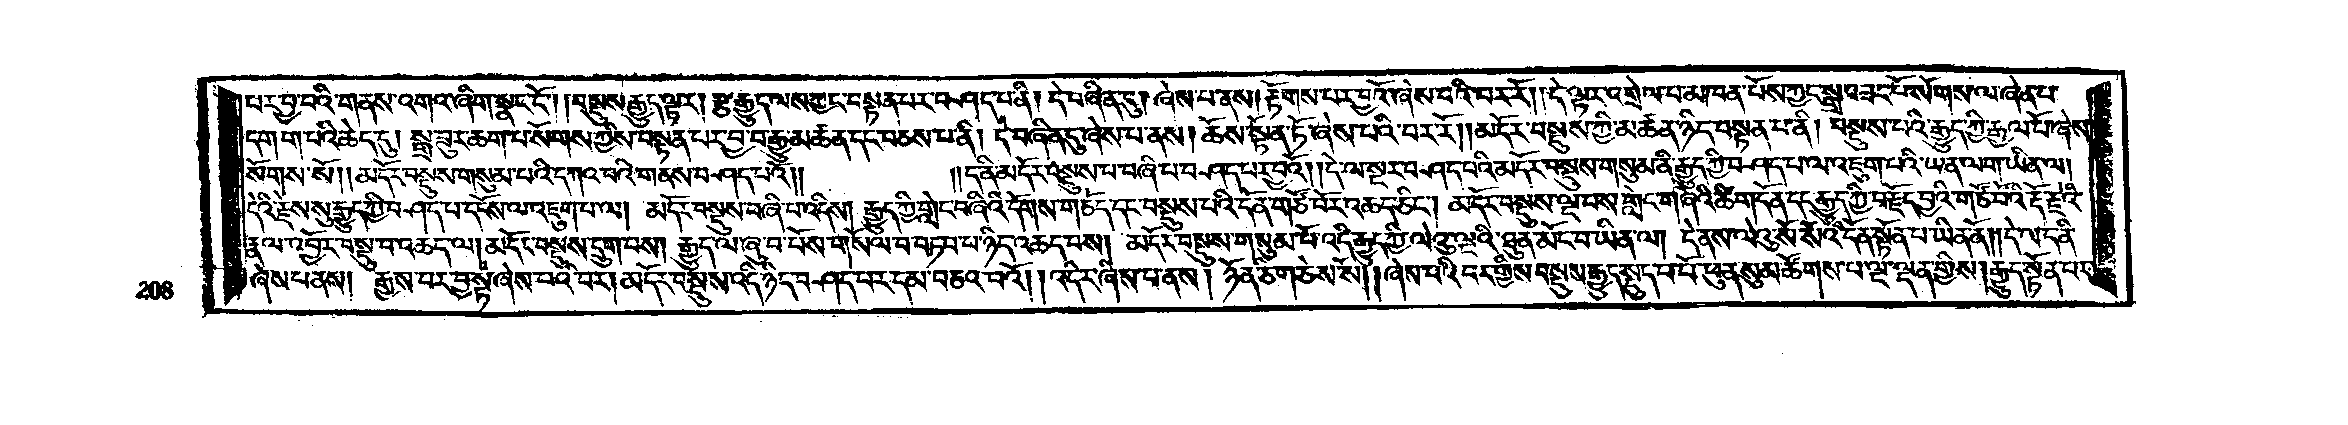པར་བྱ་བའི་གནས་འགའ་ཞིག་སྣང་ངོ། །བསྡུས་རྒྱུད་ལྟར། རྩ་རྒྱུད་ལས་ཀྱང་བསྟན་པར་བཤད་པ་ནི། དེ་བཞིན་དུ། ཞེས་པ་ནས། རྟོགས་པར་བྱའོ་ཞེས་པའི་བར་རོ། །དེ་ལྟར་འགྲེལ་པ་མཁན་པོས་ཀྱང་སྒྲ་བཟང་པོ་སོགས་ལ་ཞེན་པ་
དགག་པའི་ཆེད་དུ། སྒྲ་ཟུར་ཆག་པ་སོགས་ཀྱིས་བསྟན་པར་བྱ་བ་རྒྱུ་མཚན་དང་བཅས་པ་ནི། དེ་བཞིན་དུ་ཞེས་པ་ནས། ཆོས་སྟོན་ཏོ་ཞེས་པའི་བར་རོ། །མདོར་བསྡུས་ཀྱི་མཚན་ཉིད་བསྟན་པ་ནི། བསྡུས་པའི་རྒྱུད་ཀྱི་རྒྱལ་པོ་ཞེས་
སོགས་སོ། །མདོར་བསྡུས་གསུམ་པའི་དཀའ་བའི་གནས་བཤད་པའོ།། །།ད་ནི་མདོར་བསྡུས་པ་བཞི་པ་བཤད་པར་བྱའོ། །དེ་ལ་སྔར་བཤད་པའི་མདོར་བསྡུས་གསུམ་ནི་རྒྱུད་ཀྱི་བཤད་པ་ལ་འཇུག་པའི་ཡན་ལག་ཡིན་ལ།
དེའི་རྗེས་སུ་རྒྱུད་ཀྱི་བཤད་པ་དངོས་ལ་འཇུག་པ་ལ། མདོར་བསྡུས་བཞི་པ་འདིས། རྒྱུད་ཀྱི་གླེང་བཞིའི་དོགས་གཅོད་དང་བསྡུས་པའི་དོན་གཙོ་བོར་འཆད་ཅིང་། མདོར་བསྡུས་ལྔ་པས་གླེང་གཞིའི་ཚིག་དོན་དང་རྒྱུད་ཀྱི་བརྗོད་བྱའི་གཙོ་བོའི་རྡོ་རྗེའི་
རྣལ་འབྱོར་བསྡུ་བ་འཆད་ལ། མདོར་བསྡུས་དྲུག་པས། རྒྱུད་ལ་ཞུ་བ་པོས་གསོལ་བ་བཏབ་པ་ཉིད་འཆད་པས། མདོར་བསྡུས་གསུམ་པོ་འདི་རྒྱུད་ཀྱི་ལེའུ་ལྔའི་ཐུན་མོང་བ་ཡིན་ལ། དེ་ནས་ལེའུ་སོ་སོའི་དོན་སྟོན་པ་ཡིན་ནོ། །དེ་ལ་ད་ནི་
ཞེས་པ་ནས། རྒྱས་པར་བྱ་སྟེ་ཞེས་པའི་བར། མདོར་བསྡུས་འདི་ཉིད་བཤད་པར་དམ་བཅའ་བའོ། །འདིར་ཞེས་པ་ནས། ཉོན་ཅིག་ཅེས་སོ། །ཞེས་པའི་བར་གྱིས་བསྡུས་རྒྱུད་སྡུད་པ་པོ་ཕུན་སུམ་ཚོགས་པ་ལྔ་ལྡན་གྱིས། རྒྱུད་སྟོན་པར་